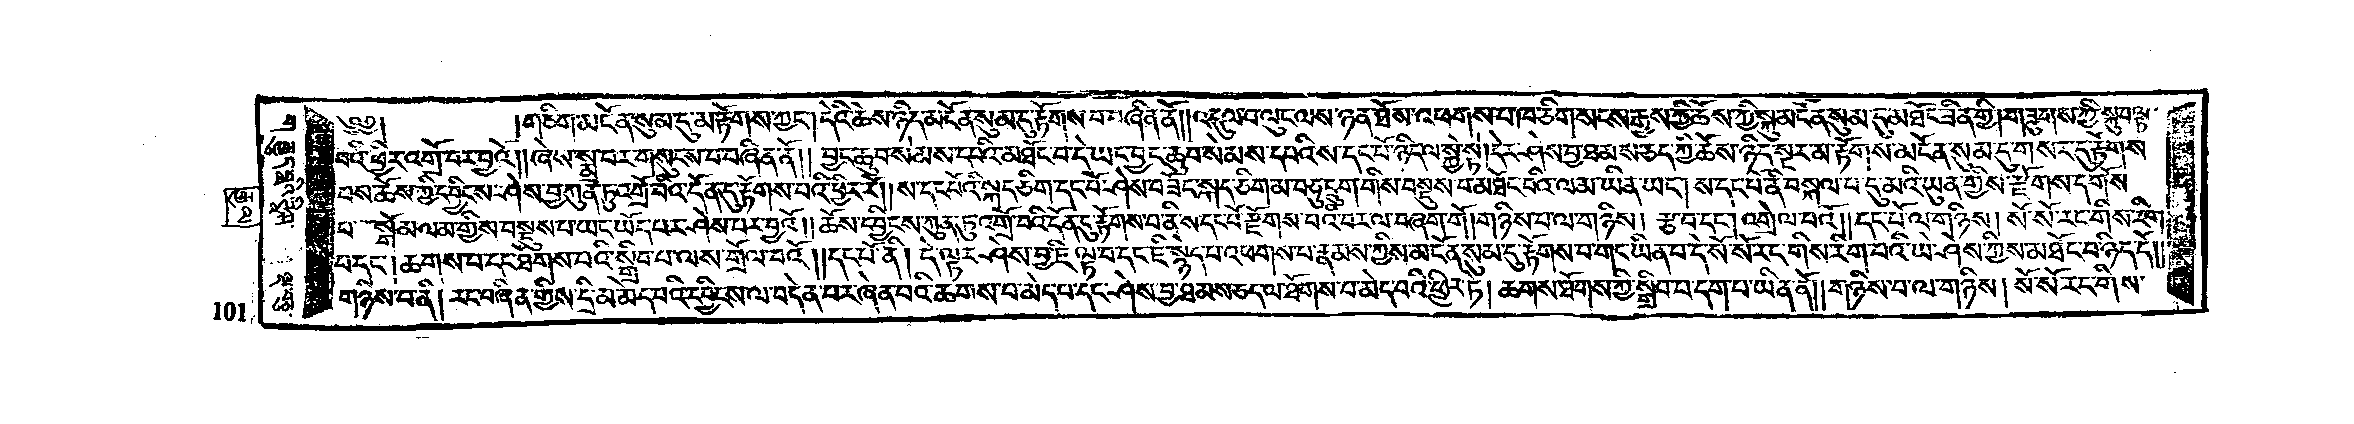༄༅། །གཅིག་མངོན་སུམ་དུ་མ་རྟོགས་ཀྱང་། དེའི་ཆོས་ཉིད་མངོན་སུམ་དུ་རྟོགས་པ་བཞིན་ནོ། །འདུལ་བ་ལུང་ལས་ཉན་ཐོས་འཕགས་པ་ཁ་ཅིག་སངས་རྒྱས་ཀྱི་ཆོས་ཀྱི་སྐུ་མངོན་སུམ་དུ་མཐོང་ཞིན་གྱི། གཟུགས་ཀྱི་སྐུ་བ་ལྟ་
བའི་ཕྱིར་འགྲོ་བར་བྱའོ། །ཞེས་སྨྲ་བར་གསུངས་པ་བཞིན་ནོ། །བྱང་ཆུབ་སེམས་དཔའི་མཐོང་བ་དེ་ཡང་བྱང་ཆུབ་སེམས་དཔའི་ས་དང་པོ་ཉིད་ལ་སྐྱེ་སྟེ། དེར་ཤེས་བྱ་ཐམས་ཅད་ཀྱི་ཆོས་ཉིད་སྔར་མ་རྟོགས་མངོན་སུམ་དུ་གསར་དུ་རྟོགས་
པས་ཆོས་ཀྱི་དབྱིངས་ཤེས་བྱ་ཀུན་ཏུ་འགྲོ་བའི་དོན་དུ་རྟོགས་པའི་ཕྱིར་རོ། །ས་དང་པོའི་སྐད་ཅིག་དང་པོ་ཤེས་བཟོད་སྐད་ཅིག་མ་བཅུ་དྲུག་གིས་བསྡུས་པ་མཐོང་བའི་ལམ་ཡིན་ཡང་། ས་དང་པོ་ནི་བསྐལ་པ་དུ་མའི་ཡུན་གྱིས་རྫོགས་དགོས་
པ་སྒོམ་ལམ་གྱིས་བསྡུས་པ་ཡང་ཡོད་པར་ཤེས་པར་བྱའོ། །ཆོས་དབྱིངས་ཀུན་ཏུ་འགྲོ་བའི་དོན་དུ་རྟོགས་པ་ནི་ས་དང་པོ་རྫོགས་པའི་བར་ལ་བཞག་གོ །གཉིས་པ་ལ་གཉིས། རྩ་བ་དང་། འགྲོལ་པའོ། །དང་པོ་ལ་གཉིས། སོ་སོ་རང་གིས་རིག་
པ་དང་། ཆགས་པ་དང་ཐོགས་པའི་སྒྲིབ་པ་ལས་གྲོལ་བའོ། །དང་པོ་ནི། དེ་ལྟར་ཤེས་བྱ་ཇི་ལྟ་བ་དང་ཇི་སྙེད་པ་འཕགས་པ་རྣམས་ཀྱིས་མངོན་སུམ་དུ་རྟོགས་པ་གང་ཡིན་པ་དེ་སོ་སོ་རང་གིས་རིག་པའི་ཡེ་ཤེས་ཀྱིས་མཐོང་བ་ཉིད་དོ། །
གཉིས་པ་ནི། རང་བཞིན་གྱིས་དྲི་མ་མེད་པའི་དབྱིངས་ལ་བདེན་པར་ཞེན་པའི་ཆགས་པ་མེད་པ་དང་ཤེས་བྱ་ཐམས་ཅད་ལ་ཐོགས་པ་མེད་པའི་ཕྱིར་ཏེ། ཆགས་ཐོགས་ཀྱི་སྒྲིབ་པ་དག་པ་ཡིན་ནོ། །གཉིས་པ་ལ་གཉིས། སོ་སོ་རང་གིས་